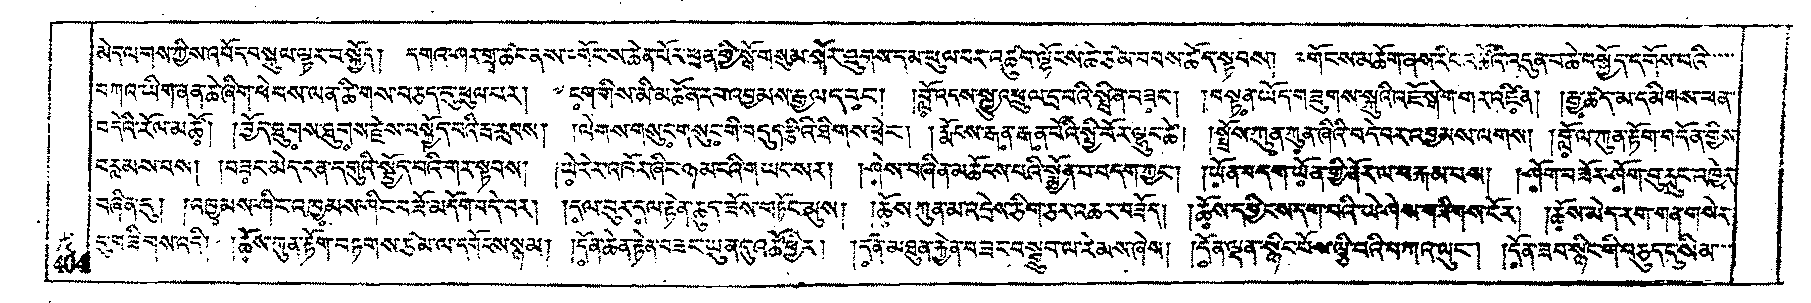མེད་ལགས་ཀྱིས་འབོད་བསྐུལ་ལྟར་བསྐྱོད། དགའ་ཤར་གྲྭ་ཚང་ནས་༧གོང་ས་ཆེན་པོར་ཕྲན་གྱི་སྒོ་གསུམ་སྐོར་ཐུགས་དམ་ཕུལ་བར་འཚུབ་ལྷོངས་ཆེ་ཙམ་བབས་ཚོད་སྟབས། ༧གོང་ས་མཆོག་ནས་རིང་འཚོའི་འདུན་པ་ཆེ་བསྐྱོད་དགོས་པའི་
བཀའ་ཡིག་ནན་ཆེ་ཞིག་ཕེབས་ལན་ཚིགས་བཅད་དུ་ཕུལ་པར། ངག་གིས་མི་མཚོན་རབ་འབྱམས་རྒྱལ་དབང་། །བློ་འདས་སྒྱུ་འཕྲུལ་དྲ་བའི་སྤྲིན་བཟང་། །བསྟན་ཡོད་གཟུགས་སྐུའི་འཇོ་སྒེག་གར་འཛིན། །རྒྱ་ཚད་མ་དམིགས་ཕན་
བདེའི་རོལ་མཚོ། །ཁྱོད་ཐུགས་ཐུགས་རྗེས་བསྐྱོད་པའི་རྦ་རླབས། །ལེགས་གསུང་གསུང་གི་བདུད་རྩིའི་ཐིགས་ཕྲེང་། །རྨོངས་རྒན་རྒན་པོའི་སྤྱི་བོར་ལྷུང་ཚེ། །སྤྲོས་ཀུན་ཀུན་ཞིའི་བདེ་བར་འབྱམས་ལགས། །བློ་ལ་ཀུན་རྟོག་གདོན་གྱིས་
བརླམས་པས། །བཟང་མེད་ངན་དགུའི་སྤྱོད་པའི་གར་སྟབས། །ཡེ་རེར་འཁོར་ཞིང་ཉམ་ངའི་གཡང་སར། །ཤེས་བཞིན་མཆོངས་པའི་སྨྱོན་པ་བདག་ཀྱང་། །ཡོན་བདག་ཡོན་གྱི་ནོར་ལ་བརྐམ་པས། །ཤོག་བཟོར་ཤོག་བུ་རླུང་འཁྱེར་
བཞིན་དུ། །འཁྱམས་ཤིང་འཁྱམས་ཤིང་བཟོ་མདོག་བདེ་བར། །དལ་བུར་དལ་རྟེན་ཆུད་ཟོས་གཏོང་མུས། །ཆོས་ཀུན་མ་འདྲེས་ཅིག་ཅར་འཆར་བཟོད། །ཆོས་དབྱིངས་དག་པའི་ཡེ་ཤེས་གཟིགས་ངོར། །ཆོས་མེད་རག་གནག་སེར་
དུ་གཟིགས་འདི། །ཆོས་ཀུན་རྟོག་བཏགས་ཙམ་ལ་དགོངས་སྙམ། །དོན་ཆེན་རྟེན་བཟང་ཡུན་དུ་འཚོ་ཕྱིར། །དོན་མཐུན་རྐྱེན་བཟང་བསྒྲུབ་ལ་རེམས་ཞེས། །དོན་ལྡན་སྙིང་པོས་ལྕི་བའི་བཀའ་ལུང་། །དོན་ཟབ་སྙིང་གི་བཅུད་དུ་སིམ་